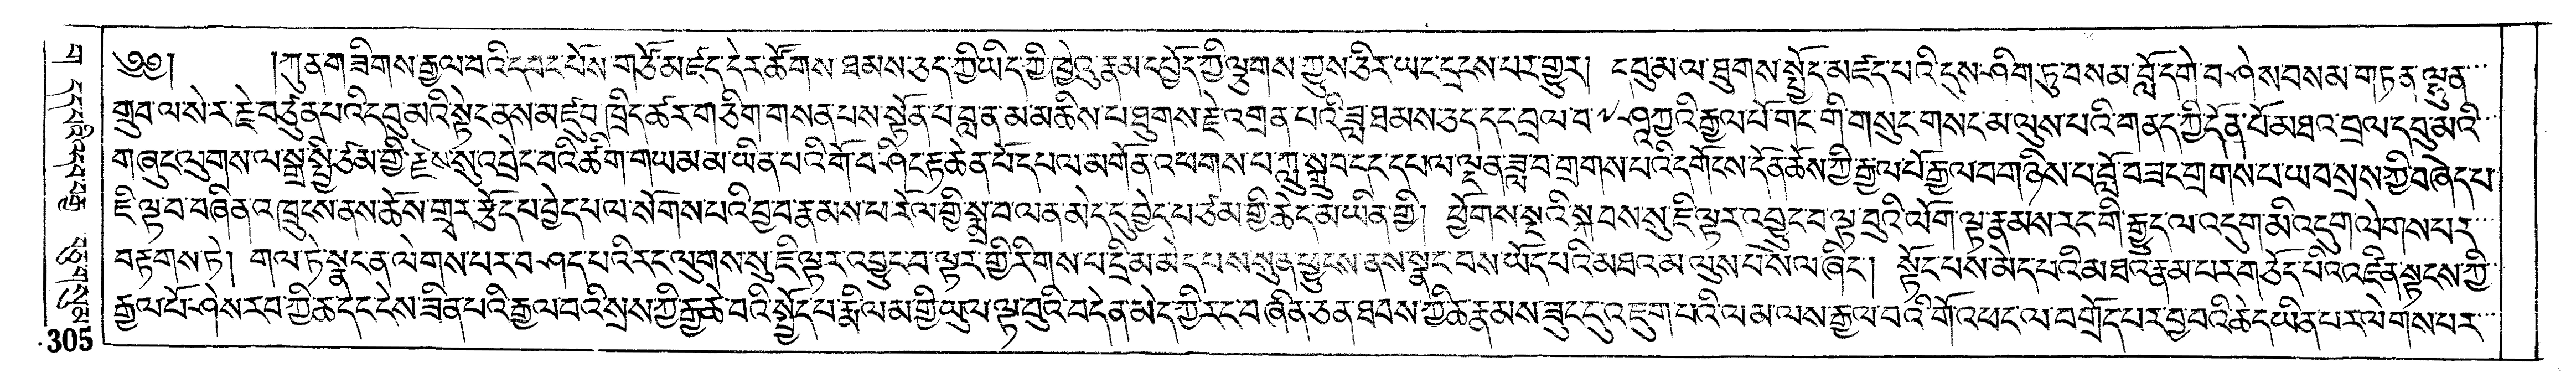༄༅། །ཀུན་གཟིགས་རྒྱལ་བའི་དབང་པོས་གཙོ་མཛད་དེར་ཚོགས་ཐམས་ཅད་ཀྱི་ཡིད་ཀྱི་ཁྱེའུ་རྣམ་དཔྱོད་ཀྱི་ལྕགས་ཀྱུས་ཅིར་ཡང་དྲངས་པར་གྱུར། དབུ་མ་ལ་ཐུགས་སྤྱོད་མཛད་པའི་དུས་ཤིག་ཏུ་བསམ་བློ་དགེ་བཤེས་བསམ་གཏན་ལྷུན་
གྲུབ་ལས་རེ་རྗེ་བཙུན་པའི་དབུ་མའི་སྟེང་ནས་མཛུབ་ཁྲིད་ཚར་གཅིག་གསན་པས་སྟོན་པ་བླ་ན་མ་མཆིས་པ་ཐུགས་རྗེ་འགྲན་པའི་ཟླ་ཐམས་ཅད་དང་བྲལ་བ་༧་ཤཱཀྱའི་རྒྱལ་པོ་གང་གི་གསུང་གསད་མ་ལུས་པའི་གནད་ཀྱི་དོན་པོ་མཐའ་བྲལ་དབུ་མའི་
གཞུང་ལུགས་ལ་སྒྲ་སྤྱི་ཙམ་གྱི་རྗེས་སུ་འབྲེང་བའི་ཚིག་གཡམ་མ་ཡིན་པའི་གོ་བ་ཤིང་རྟ་ཆེན་པོ་དཔལ་མགོན་འཕགས་པ་ཀླུ་སྒྲུབ་དང་དཔལ་ལྡན་ཟླ་བ་གྲགས་པའི་དགོངས་དོན་ཆོས་ཀྱི་རྒྱལ་པོ་རྒྱལ་བ་གཉིས་པ་བློ་བཟང་གྲགས་པ་ཡབ་སྲས་ཀྱི་བཞེད་པ་
ཇི་ལྟ་བ་བཞིན་འཁྲུངས་ནས་ཆོས་གྲྭར་རྩོད་པ་བྱེད་པ་ལ་སོགས་པའི་བྱ་བ་རྣམས་ཕ་རོལ་གྱི་སྨྲ་བ་ལན་མེད་དུ་བྱེད་པ་ཙམ་གྱི་ཆེད་མ་ཡིན་གྱི། ཕྱོགས་སྔའི་སྐབས་སུ་ཇི་ལྟར་འབྱུང་བ་ལྟ་བུའི་ལོག་ལྟ་རྣམས་རང་གི་རྒྱུད་ལ་འདུག་མི་འདུག་ལེགས་པར་
བརྟགས་ཏེ། གལ་ཏེ་སྣང་ན་ལེགས་པར་བཤད་པའི་རང་ལུགས་སུ་ཇི་ལྟར་འབྱུང་བ་ལྟར་གྱི་རིགས་པ་དྲི་མ་མེད་པས་སུན་ཕྱུངས་ནས་སྣང་བས་ཡོད་པའི་མཐའ་མ་ལུས་པ་སལ་ཞིང་། སྟོང་བས་མེད་པའི་མཐའ་རྣམ་པར་གཅོད་པའི་འཛིན་སྟངས་ཀྱི་
རྒྱལ་པོ་ཤེས་རབ་ཀྱི་ཆ་དང་དེས་ཟིན་པའི་རྒྱལ་བའི་སྲས་ཀྱི་རྒྱ་ཆེ་བའི་སྤྱོད་པ་རྨི་ལམ་གྱི་ཡུལ་ལྟ་བུའི་བདེན་མེད་ཀྱི་རང་བཞིན་ཅན་ཐབས་ཀྱི་ཆ་རྣམས་ཟུང་དུ་འཇུག་པའི་ལམ་ལས་རྒྱལ་བའི་གོ་འཕང་ལ་བགྲོད་པར་བྱ་བའི་ཆེད་ཡིན་པར་ལེགས་པར་